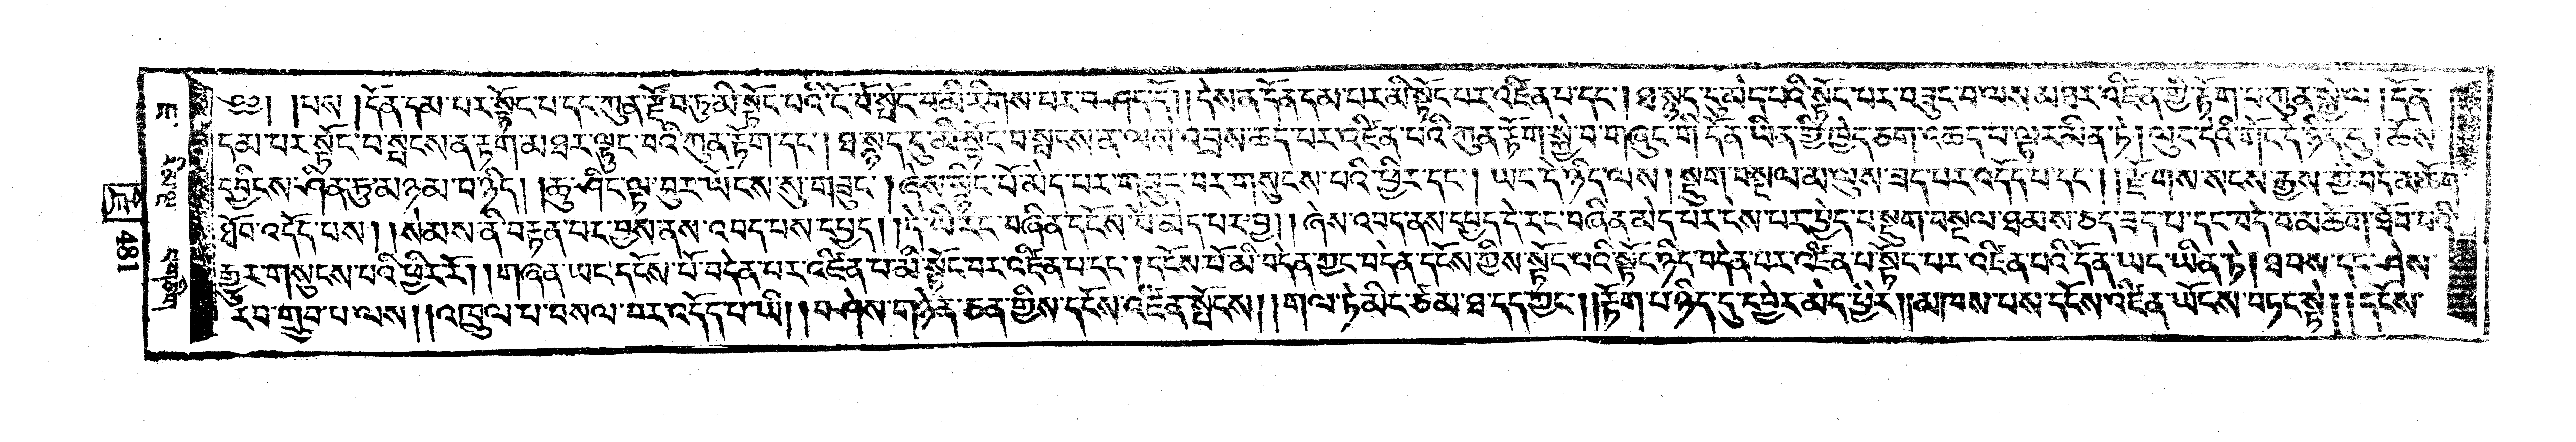༄༅། །པས། དོན་དམ་པར་སྟོང་པ་དང་ཀུན་རྫོབ་ཏུ་མི་སྟོང་པའི་ངོ་བོ་སྤོང་བ་མི་རིགས་པར་བཤད་དོ། །དེས་ན་དོན་དམ་པར་མི་སྟོང་པར་འཛིན་པ་དང་། ཐ་སྙད་དུ་མེད་པའི་སྟོང་པར་བཟུང་བ་ལས་མཐར་འཛིན་གྱི་རྟོག་པ་ཀུན་སྐྱེ་ལ། དོན་
དམ་པར་སྟོང་པ་སྤངས་ན་རྟག་མཐར་ལྟུང་བའི་ཀུན་རྟག་དང་། ཐ་སྙད་དུ་མི་སྟོང་བ་སྤངས་ན་ལས་འབྲས་ཆད་པར་འཛིན་པའི་ཀུན་རྟོག་སྐྱེ་བ་གཞུང་གི་དོན་ཡིན་གྱི་ཁྱེད་ཅག་འཆད་པ་ལྟར་མིན་ཏེ། ལུང་དེའི་གོང་དེ་ཉིད་དུ། ཆོས་
དབྱིངས་ཤིན་ཏུ་མཉམ་པ་ཉིད། །ཆུ་ཤིང་ལྟ་བུར་ཡོངས་སུ་གཟུང་། ཞེས་སྙིང་པོ་མེད་པར་གཟུང་བར་གསུངས་པའི་ཕྱིར་དང་། ཡང་དེ་ཉིད་ལས། སྡུག་བསྔལ་མ་ལུས་ཟད་པར་འདོད་པ་དང་། །རྫོགས་སངས་རྒྱས་ཀྱི་བདེ་མཆོག་
ཐོབ་འདོད་པས། །སེམས་ནི་བརྟན་པར་བྱས་ནས་འབད་པས་དཔྱད། །དེ་ཡི་རང་བཞིན་དངོས་པོ་མེད་པར་བྱ། །ཞེས་འབད་ནས་དཔྱད་དེ་རང་བཞིན་མེད་པར་ངེས་པར་བྱེད་པ་སྡུག་བསྔལ་ཐམས་ཅད་ཟད་པ་དང་བདེ་བ་མཆོག་ཐོབ་པའི་
རྒྱུར་གསུངས་པའི་ཕྱིར་རོ། །གཞན་ཡང་དངོས་པོ་བདེན་པར་འཛིན་པ་མི་སྟོང་བར་འཛིན་པ་དང་། དངོས་པོ་མི་བདེན་ཀྱང་བདེན་དངོས་ཀྱིས་སྟོང་པའི་སྟོང་ཉིད་བདེན་པར་འཛིན་པ་སྟོང་པར་འཛིན་པའི་དོན་ཡང་ཡིན་ཏེ། ཐབས་དང་ཤེས་
རབ་གྲུབ་པ་ལས། །འཁྲུལ་པ་བསལ་བར་འདོད་པ་ཡི། །བཤེས་གཉེན་ཅན་གྱིས་དངོས་འཛིན་སྤོངས། །གལ་ཏེ་མིང་ཙམ་ཐ་དད་ཀྱང་། །རྟོག་པ་ཉིད་དུ་དབྱེར་མེད་ཕྱིར། །མཁས་པས་དངོས་འཛིན་ཡོངས་བཏང་སྟེ། །དངོས་